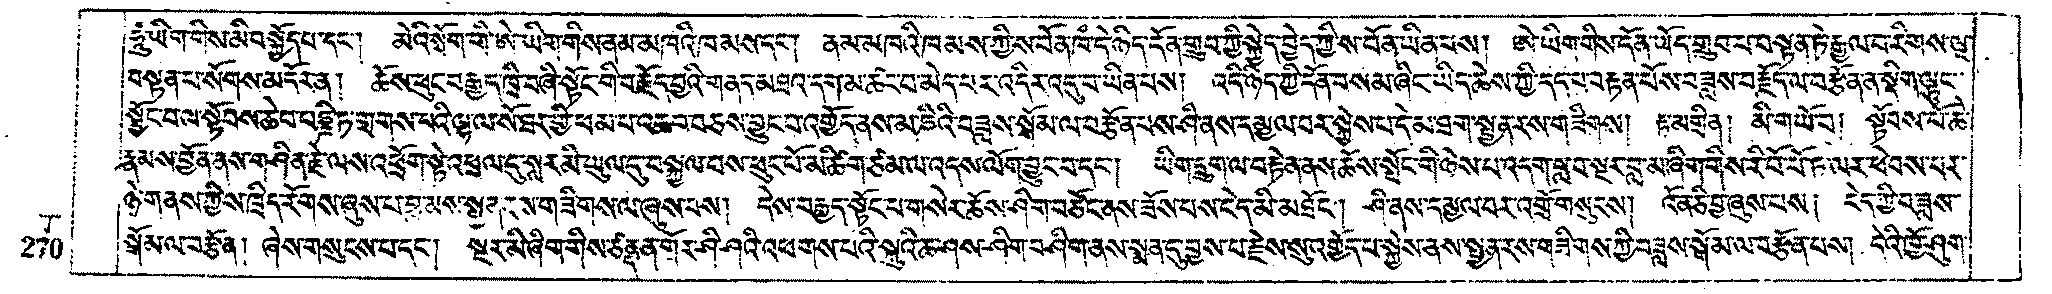ཧཱུཾ་ཡིག་གིས་མི་བསྐྱོད་པ་དང་། མེའི་སྲོག་གི་ཨེ་ཡིག་གིས་ནམ་མཁའི་ཁམས་དང་། ནམ་མཁའི་ཁམས་ཀྱི་ས་བོན་ཁཾ་དེ་ཉིད་དོན་གྲུབ་ཀྱི་སྐྱེད་བྱེད་ཀྱི་ས་བོན་ཡིན་པས། ཨེ་ཡིག་གིས་དོན་ཡོད་གྲུབ་པ་བསྟན་ཏེ་རྒྱལ་བ་རིགས་ལྔ་
བསྟན་པ་སོགས་མདོར་ན། ཆོས་ཕུང་བརྒྱད་ཁྲི་བཞི་སྟོང་གི་བརྗོད་བྱའི་གནད་མཐའ་དག་མ་ཚང་བ་མེད་པར་འདིར་འདུ་བ་ཡིན་པས། འདི་ཉིད་ཀྱི་དོན་བསམ་ཞིང་ཡིད་ཆེས་ཀྱི་དད་པ་བརྟན་པོས་བཟླས་བརྗོད་ལ་བརྩོན་ན་སྡིག་ལྟུང་་་
སྦྱོང་བ་ལ་སྟོབས་ཆེ་བ་པཎྜི་ཏ་གྲགས་པའི་ལྷ་ལ་སོ་ཐར་གྱི་ཕམ་པ་འཆབ་བཅས་བྱུང་བ་འགྱོད་ནས་མ་ཎིའི་བཟླས་སྒོམ་ལ་བརྩོན་པས་ཤི་ནས་དམྱལ་བར་སྐྱེས་པ་དེ་མ་ཐག་སྤྱན་རས་གཟིགས། རྟ་མགྲིན། མི་གཡོ་བ། སྟོབས་པོ་ཆེ་
རྣམས་བྱོན་ནས་གཤིན་རྗེ་ལས་འཕྲོག་སྟེ་འཕྲལ་དུ་སླར་མི་ཡུལ་དུ་བསྐྱལ་བས་ཕུང་པོ་མ་ཚིག་ཙམ་ལ་འདས་ལོག་བྱུང་བ་དང་། ཡིག་དྲུག་ལ་བརྟེན་ནས་ཆོས་སྤོང་གི་ཉེས་པ་འདག་སླབ་སྔར་བླ་མ་ཞིག་གིས་རི་བོ་པོ་ཏ་ལར་ཕེབས་པར་
ཉེ་གནས་ཀྱིས་ཁྲིད་རོགས་ཞུས་པ་བླ་མས་སྤྱན་རས་གཟིགས་ལ་ཞུས་པས། དེས་བརྒྱད་སྟོང་པ་གསེར་ཆོས་ཤིག་བཙོང་ནས་ཟོས་པས་ངེད་མི་མཐོང་། ཤི་ནས་དམྱལ་བར་འགྲོ་གསུངས། འོ་ན་ཅི་བྱ་ཞུས་པས། ངེད་ཀྱི་བཟླས་་་
སྒོམ་ལ་བརྩོན། ཞེས་གསུངས་པ་དང་། སྔར་མི་ཞིག་གིས་ཙནྡན་གོར་ཤི་ཤའི་འཕགས་པའི་སྐུའི་ཆ་ཤས་ཤིག་བཤིག་ནས་སྨན་དུ་བྱས་པ་རྗེས་སུ་འགྱོད་པ་སྐྱེས་ནས་སྤྱན་རས་གཟིགས་ཀྱི་བཟླས་སྒོམ་ལ་བརྩོན་པས། དེའི་ཁྱོ་ཤུག་